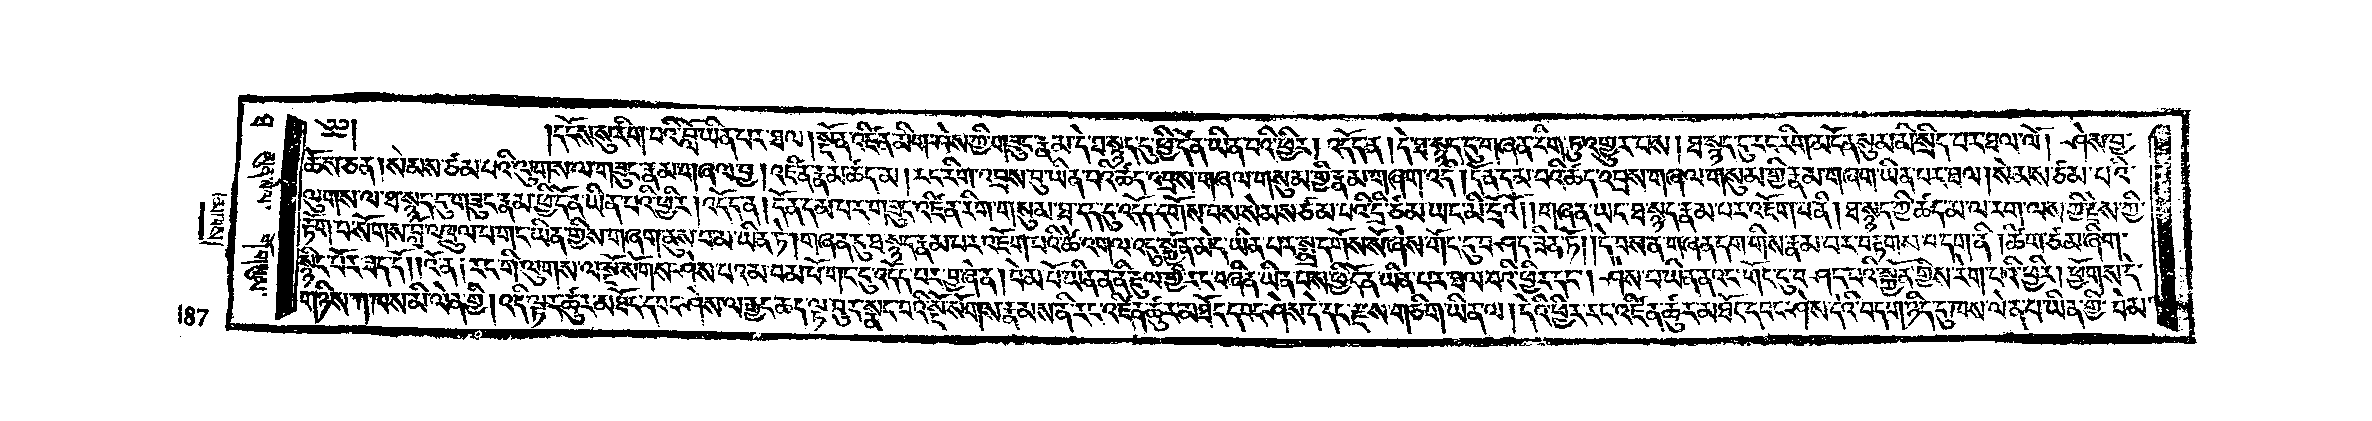༄༅། །དངོས་སུ་རིག་པའི་བློ་ཡིན་པར་ཐལ། སྔོན་འཛིན་མིག་ཤེས་ཀྱི་གཟུང་རྣམ་དེ་ཐ་སྙད་དུ་ཕྱི་དོན་ཡིན་པའི་ཕྱིར། འདོད་ན། དེ་ཐ་སྙད་དུ་གཞན་རིག་ཏུ་འགྱུར་བས། ཐ་སྙད་དུ་རང་རིག་མངོན་སུམ་མི་སྲིད་པར་ཐལ་ལོ། ཤེས་བྱ་
ཆོས་ཅན། སེམས་ཙམ་པའི་ལུགས་ལ་གཟུང་རྣམ་གཞལ་བྱ། འཛིན་རྣམ་ཚད་མ། རང་རིག་འབྲས་བུ་ཡིན་པའི་ཚད་འབྲས་གཞལ་གསུམ་གྱི་རྣམ་གཞག་འདི། དོན་དམ་པའི་ཚད་འབྲས་གཞལ་གསུམ་གྱི་རྣམ་གཞག་ཡིན་པར་ཐལ། སེམས་ཙམ་པའི་
ལུགས་ལ་ཐ་སྙད་དུ་གཟུང་རྣམ་ཕྱི་དོན་ཡིན་པའི་ཕྱིར། འདོད་ན། དོན་དམ་པར་གཟུང་འཛིན་རིག་གསུམ་ཐ་དད་དུ་འདོད་དགོས་པས་སེམས་ཙམ་པའི་དྲི་ཙམ་ཡང་མི་དྲོ་འོ། །གཞན་ཡང་ཐ་སྙད་རྣམ་པར་འཇོག་པ་ནི། ཐ་སྙད་ཀྱི་ཚད་མ་ལ་རག་ལས་ཀྱི་རྗེས་ཀྱི་
རྟོག་པ་སོགས་བློ་འཁྲུལ་པ་གང་ཡིན་གྱིས་གཞག་ནུས་པ་མ་ཡིན་ཏེ། གཞན་དུ་ཐ་སྙད་རྣམ་པར་འཇོག་པའི་ཚེ་འགལ་འདུ་སྐྱོན་མེད་ཡིན་པར་སྨྲ་དགོས་སོ་ཞེས་གོང་དུ་བཤད་ཟིན་ཏོ། །དེ་བས་ན་གཞན་དག་གིས་རྣམ་པར་བརྟགས་པ་དག་ནི། ཚིག་ཙམ་ཞིག་
སྙིང་པོར་ཟད་དོ། །འོ་ན༑ རང་གི་ལུགས་ལ་སྔོ་སོགས་ཤེས་པའམ་བེམ་པོ་གང་དུ་འདོད་པར་བྱ་ཞེ་ན། བེམ་པོ་ཡིན་ན་ནི་རྡུལ་གྱི་རང་བཞིན་ཡིན་པས་ཕྱི་དོན་ཡིན་པར་ཐལ་བའི་ཕྱིར་དང་། ཤེས་པ་ཡིན་ནའང་གོང་དུ་བཤད་པའི་སྐྱོན་གྱིས་རིག་པའི་ཕྱིར། ཕྱོགས་དེ་
གཉིས་ཀ་ཁས་མི་ལེན་གྱི། འདི་ལྟར་ཚུལ་མཐོང་དབང་ཤེས་ལ་རྒྱང་ཆད་ལྟ་བུར་སྣང་བའི་སྔོ་སོགས་རྣམས་ནི་རང་འཛིན་ཚུར་མཐོང་དབང་ཤེས་དེ་དང་རྫས་གཅིག་ཡིན་ལ། དེའི་ཕྱིར་རང་འཛིན་ཚུར་མཐོང་དབང་ཤེས་དེའི་བདག་ཉིད་དུ་ཁས་ལེན་པ་ཡིན་གྱི་བེམ་